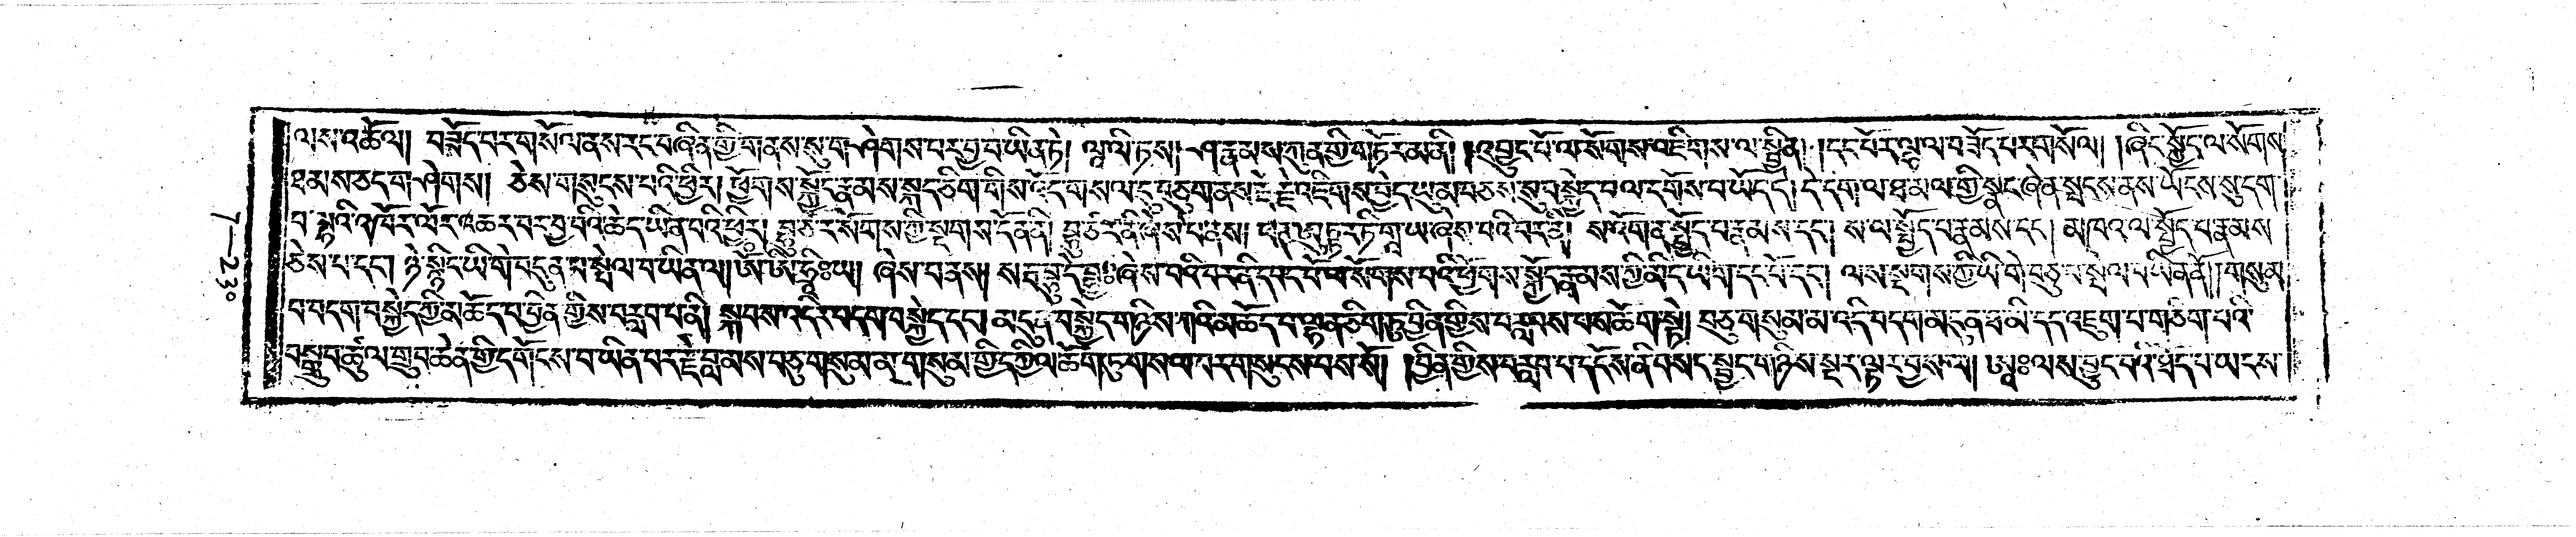ལས་འཆོལ། བཟོད་པར་གསོལ་ནས་རང་བཞིན་གྱི་གནས་སུ་གཤེགས་པར་བྱ་བ་ཡིན་ཏེ། ལཱ་ལི་ཏས། ཤ་རྣམས་ཀུན་གྱི་གཏོར་མ་ནི། །འབྱུང་པོ་ལ་སོགས་འཇིགས་ལ་སྦྱིན། །དང་པོར་ལྷ་ལ་བཟོད་པར་གསོལ། །ཞིང་སྐྱོང་ལ་སོགས་
ཐམས་ཅད་གཤེགས། ཅེས་གསུངས་པའི་ཕྱིར། ཕྱོགས་སྐྱོང་རྣམས་སྐད་ཅིག་གིས་འོད་གསལ་དུ་བཅུག་ནས་རྡོ་རྗེ་འཇིགས་བྱེད་ཡུམ་བཅས་སུ་བསྐྱེད་པ་ལ་དགོས་པ་ཡོད་དེ། དེ་དག་ལ་ཐ་མལ་གྱི་སྣང་ཞེན་སྤངས་ནས་ཡོངས་སུ་དག་
པ་ལྷའི་འཁོར་ལོར་འཆར་བར་བྱ་བའི་ཆེད་ཡིན་པའི་ཕྱིར། བྷུ་ཙ་ར་སོགས་ཀྱི་སྔགས་དོན་ནི། བྷུ་ཙ་ར་ནི་ཞེས་པ་ནས། ཕཊ་ཨུཏྟར་ཏི་གཱ་ཡ་ཞེས་པའི་བར་ནི། ས་འོག་ན་སྤྱོད་པ་རྣམས་དང་། ས་ལ་སྤྱོད་པ་རྣམས་དང་། མཁའ་ལ་སྤྱོད་པ་རྣམས་
ཅེས་པ་དང་། ཉེ་སྙིང་ཡི་གེ་བདུན་པ་སྤེལ་བ་ཡིན་ལ། ཨོཾ་ཨི་ཧྲཱིཿ ཡ། ཞེས་པ་ནས། སརྦ་བྷུ་དེ་བྷྱཿ ཞེས་པའི་བར་ནི་དབང་པོ་ལ་སོགས་པའི་ཕྱོགས་སྐྱོང་རྣམས་ཀྱི་མིང་ཡིག་དང་པོ་དང་། ལས་སྔགས་ཀྱི་ཡི་གེ་བཅུ་པ་སྤེལ་བ་ཡིན་ནོ། །གསུམ་
པ་བདག་བསྐྱེད་ཀྱི་མཆོད་པ་བྱིན་གྱིས་བརླབ་པ་ནི། སྐབས་འདིར་བདག་བསྐྱེད་དང་། མདུན་བསྐྱེད་གཉིས་ཀའི་མཆོད་པ་ལྷན་ཅིག་ཏུ་བྱིན་གྱིས་བརླབས་པས་ཆོ་ག་སྟེ། བཅུ་གསུམ་མ་འདི་བདག་མདུན་ཐ་མི་དད་འཇུག་པ་གཅིག་པའི་
བསྒྲུབ་ཚུལ་གྲུབ་ཆེན་གྱི་དགོངས་པ་ཡིན་པར་རྗེ་བླ་མས་བཅུ་གསུམ་མ་གསུམ་གྱི་དཀྱིལ་ཆོག་ཏུ་གསལ་བར་གསུངས་པས་སོ། །བྱིན་གྱིས་བརླབ་པ་དངོས་ནི་བསང་སྦྱང་གཉིས་སྔར་ལྟར་བྱས་ལ། ཨཱཿ ལས་བྱུང་བའི་ཐོད་པ་ཡངས་